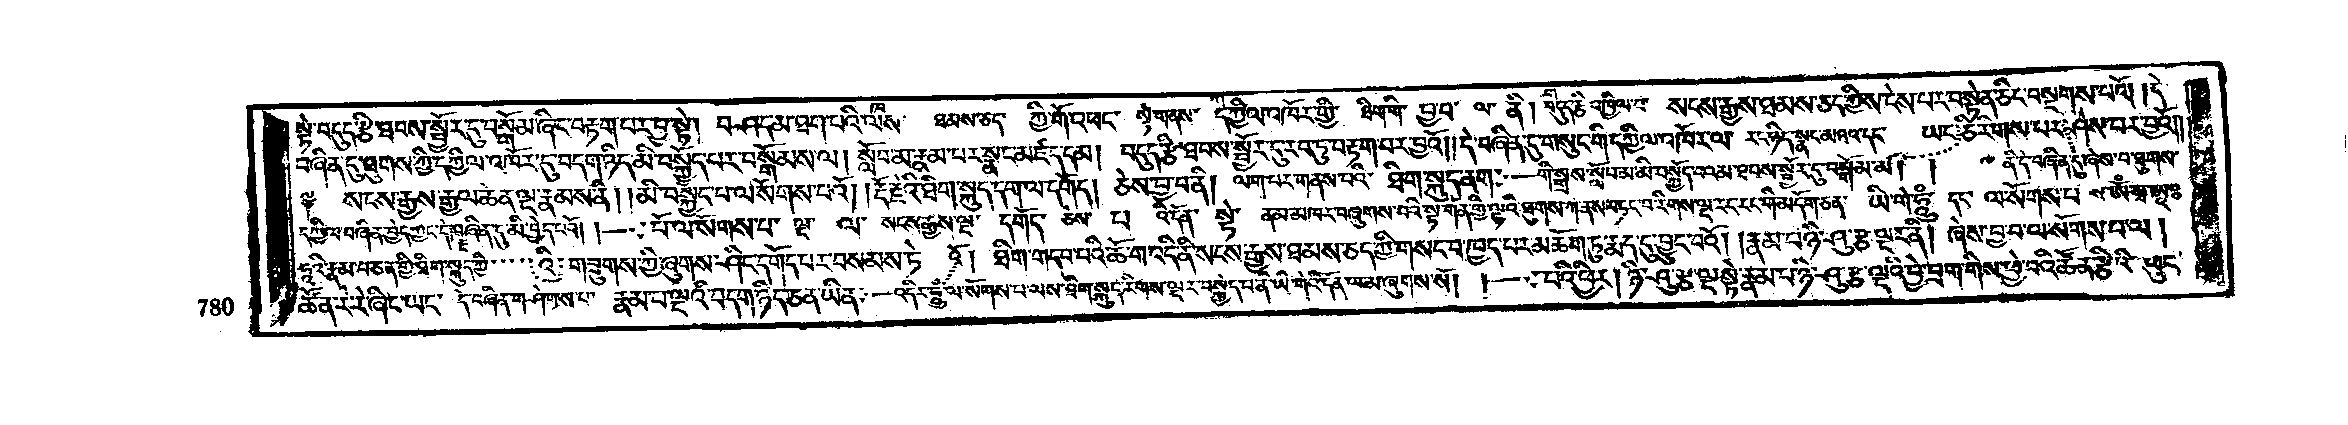སྟེ་བདུད་རྩི་ཐབས་སྦྱོར་དུ་བསྒོམ་ཞིང་བརྟག་པར་བྱ་སྟེ། བཤད་མ་ཐག་པའི་ཁ་ལས་ཐམས་ཅད་ཀླི་གོ་འཕང་སྟེ་གནས་ག་དཀྱིལ་འཁོར་གྱི་ཐིག་གི་བྱ་བ་ལ་ནི། ག་བདུད་རྩི་འཁྱིལ་བ་སངས་རྒྱས་ཐམས་ཅད་ཀྱིས་ངེས་པར་བསྟེན་ཅིང་བསྔགས་པའོ། །དེ་
བཞིན་དུ་ཐུགས་ཀྱི་དཀྱིལ་འཁོར་དུ་བདག་ཉིད་མི་བསྐྱོད་པར་བསྒོམ་ལ། སློབ་མ་རྣམ་པར་སྣང་མཛད་དམ། བདུད་རྩི་ཐབས་སྦྱོར་དུ་རབ་ཏུ་བརྟག་པར་བྱའོ། །དེ་བཞིན་དུ་གསུང་གི་དཀྱིལ་འཁོར་ལ་རང་ཉིད་སྣང་མཐའ་དང་ཡང་ཅི་རིགས་པར་ཤེས་པར་བྱའོ།།
༈ སངས་རྒྱས་རྒྱལ་ཆེན་ལྔ་རྣམས་ནི། །མི་བསྐྱོད་པ་ལ་སོགས་པའོ། །རྡོ་རྗེའི་ཐིག་སྐུད་དག་ལ་དགོད། ཅེས་བྱ་བ་ནི། ལག་པར་གནས་པའི་ཐིག་སྐུད་ནགཿ་གི་སྒྲས་སློབ་མ་མི་བསྐྱོད་པའམ་ཐབས་སྦྱོར་དུ་བསྒོམ་མོ། །༈ ནི་དེ་བཞིན་དུ་ཞེས་པ་ཐུགས་
དཀྱིལ་བཞིན་བྱེད་ཀྱང་དེ་ཇི་བཞིན་དུ་མི་བྱེད་པའོ། །.H པོ་ལ་སོགས་པ་ལྔ་ལ་སངས་རྒྱས་ལྔ་དགོད་ཅེས་པའི་དོན་སྟེ་ནམ་མཁར་བཞུགས་པའི་སྟེ་གོན་གྱི་ལྷའི་ཐུགས་ཀ་ནས་བཏང་བ་རིགས་ལྔ་རང་རང་གི་མདོག་ཅན་ཡི་གི་ཧཱུཾ་དང་ལ་སོགས་པས་ཨོཾ་སྭ་ཨཱཿ
ཧཱའི་རྣམ་པ་ཅན་གྱི་སྐུད་ཀྱི་འི་གཟུགས་ཀྱི་ཞུགས་ཤིང་དགོད་པར་བསམས་ཏེའོ་ཐིག་གདབ་པའི་ཆོ་ག་འདི་ནི་སངས་རྒྱས་ཐམས་ཅད་ཀྱི་གསང་བ་ཁྱད་པར་མཆོག་ཏུ་རྨད་དུ་བྱུང་བའོ། །རྣམ་པ་ཉི་ཤུ་རྩ་ལྔར་ནི། ཞེས་བྱ་བ་ལ་སོགས་པ་ལ།
ཚོན་རེ་རེ་ཞིང་ཡང་དེ་བཞིན་གཤེགས་པ་རྣམ་པ་ལྔའི་བདག་ཉིད་ཅན་ཡིནཿ་འདིར་ཧཱུཾ་ལ་སོགས་པ་ལས་ཐིག་སྐུད་རིགས་ལྔར་བསྐྱེད་པ་ནི་ཡི་གེའི་དོན་ལ་མ་ཞུགས་སོ། ། .H པའི་ཕྱིར། ཉི་ཤུ་རྩ་ལྔ་སྟེ་རྣམ་པ་ཉི་ཤུ་རྩ་ལྔའི་བྱེ་བྲག་གིས་ཕྱེ་བའི་ཚོན་རྩིའི་ཕུང་